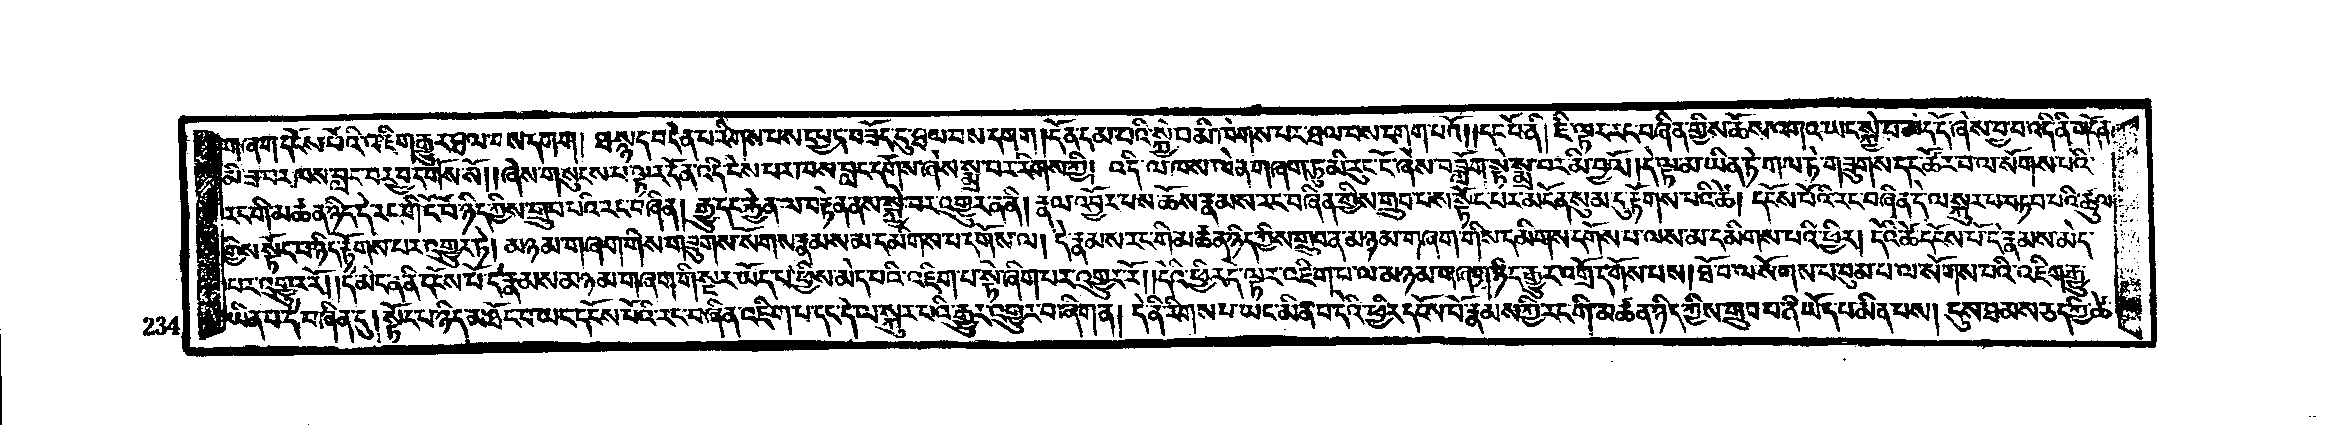གཞག་དངོས་པོའི་འཇིག་རྒྱུར་ཐལ་བས་དགག །ཐ་སྙད་བདེན་པ་རིགས་པས་དཔྱད་བཟོད་དུ་ཐལ་བས་དགག །དོན་དམ་པའི་སྐྱེ་བ་མི་ཁེགས་པར་ཐལ་བས་དགག་པའོ། །དང་པོ་ནི། ཇི་ལྟར་རང་བཞིན་གྱིས་ཆོས་འགའ་ཡང་སྐྱེ་བ་མེད་དོ་ཞེས་བྱ་བ་འདི་ནི་གདོན་
མི་ཟ་བར་ཁས་བླང་བར་བྱ་དགོས་སོ། །ཞེས་གསུངས་པ་ལྟར་དོན་འདི་ངེས་པར་ཁས་བླང་དགོས་ཞེས་སྨྲ་བར་རིགས་ཀྱི། འདི་ལ་ཁས་ལེན་གཞག་ཏུ་མི་རུང་ངོ་ཞེས་བཟློག་སྟེ་སྨྲ་བར་མི་བྱའོ། །དེ་ལྟ་མ་ཡིན་ཏེ་གལ་ཏེ་གཟུགས་དང་ཚོར་བ་ལ་སོགས་པའི་
རང་གི་མཚན་ཉིད་དེ་རང་གི་ངོ་བོ་ཉིད་ཀྱིས་གྲུབ་པའི་རང་བཞིན། རྒྱུ་དང་རྐྱེན་ལ་བརྟེན་ནས་སྐྱེ་བར་འགྱུར་ན་ནི། རྣལ་འབྱོར་པས་ཆོས་རྣམས་རང་བཞིན་གྱིས་གྲུབ་པས་སྟོང་པར་མངོན་སུམ་དུ་རྟོགས་པའི་ཚེ། དངོས་པོའི་རང་བཞིན་དེ་ལ་སྐུར་པ་བཏབ་པའི་ཚུལ་
གྱིས་སྟོང་པ་ཉིད་རྟོགས་པར་འགྱུར་ཏེ། མཉམ་གཞག་གིས་གཟུགས་སོགས་རྣམས་མ་དམིགས་པ་དགོས་ལ། དེ་རྣམས་རང་གི་མཚན་ཉིད་ཀྱིས་གྲུབ་ན་མཉམ་གཞག་གིས་དམིགས་དགོས་པ་ལས་མ་དམིགས་པའི་ཕྱིར། དེའི་ཚེ་དངོས་པོ་དེ་རྣམས་མེད་
པར་འགྱུར་རོ། །དེ་མེད་ན་ནི་དངོས་པོ་དེ་རྣམས་མཉམ་གཞག་གི་སྔར་ཡོད་པ་ཕྱིས་མེད་པའི་འཇིག་པ་སྟེ་ཞིག་པར་འགྱུར་རོ། །དེའི་ཕྱིར་དེ་ལྟར་འཇིག་པ་ལ་མཉམ་གཞག་ཉིད་རྒྱུར་འགྲོ་དགོས་པས། ཐོ་བ་ལ་སོགས་པ་བུམ་པ་ལ་སོགས་པའི་འཇིག་རྒྱུ་
ཡིན་པ་དེ་བཞིན་དུ། སྟོང་པ་ཉིད་མཐོང་བ་ཡང་དངོས་པོའི་རང་བཞིན་འཇིག་པ་དང་དེ་ལ་སྐུར་བའི་རྒྱུར་འགྱུར་བ་ཞིག་ན། དེ་ནི་རིགས་པ་ཡང་མིན་པ་དེའི་ཕྱིར་དངོས་པོ་རྣམས་ཀྱི་རང་གི་མཚན་ཉིད་ཀྱིས་གྲུབ་པ་ནི་ཡོད་པ་མིན་པས། དུས་ཐམས་ཅད་ཀྱི་ཚེ་